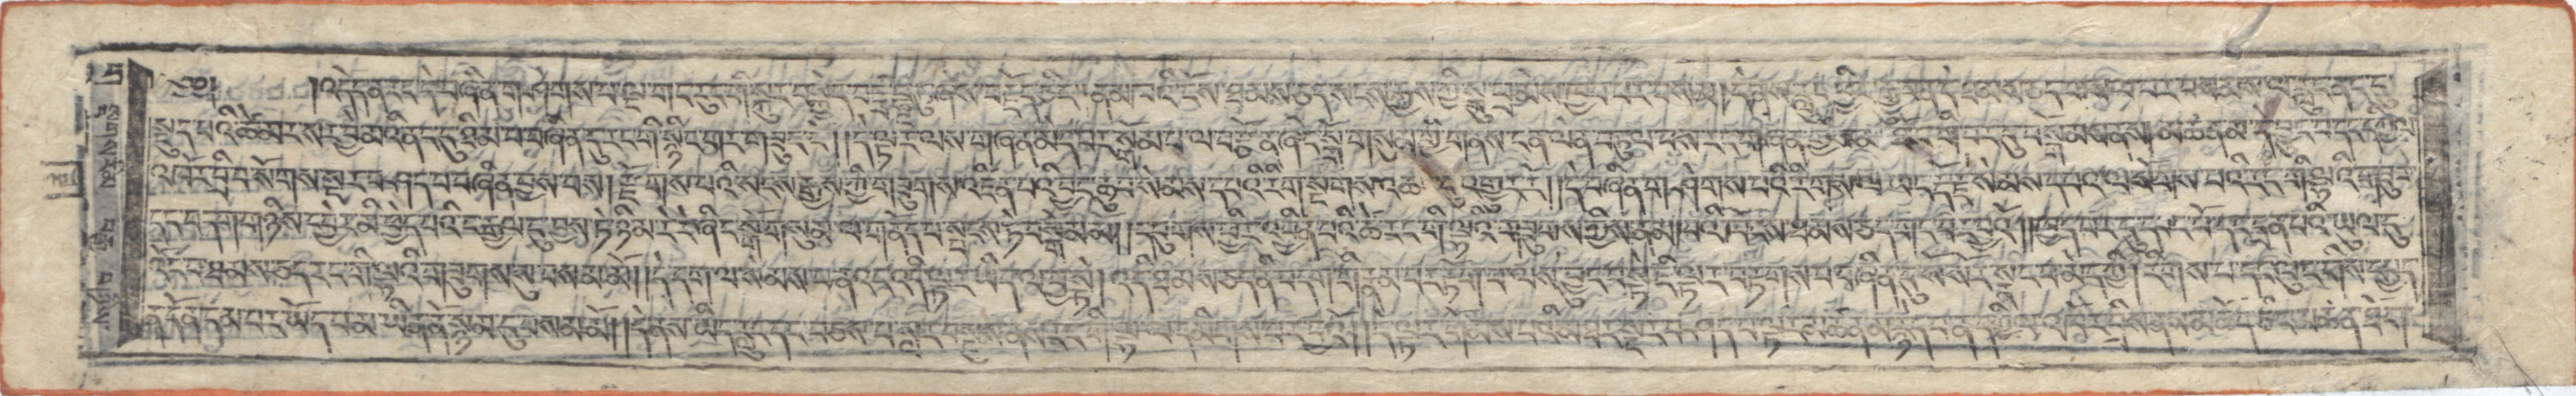༄༅། །འདོད་ན་རང་དེ་བཞིན་གཤེགས་པ་ལྔ་གང་རུང་གི་སྐུར་བསྐྱེད་བཛྲ་དྷཱ་ཏུ་ཞེས་བརྗོད་ཅིང་། ནམ་མཁའི་ངོས་ཐམས་ཅད་སངས་རྒྱས་ཀྱི་སྐུ་པྲ་མེས་ཁྱབ་པར་བསམ། དེ་ནས་རླུང་ཕྱིར་རྒྱུ་བ་ན་དེ་ཐམས་ཅད་གསལ་བར་བསམས་ལ་རླུང་ནང་དུ་
སྡུད་པའི་ཚེ་མར་སར་བྱེ་མའི་ནང་དུ་ཐིམ་པ་བཞིན་དུ་རང་གི་སྙིང་གར་གཟུང་ངོ། །དེ་ལྟར་ལས་གཞན་མེད་པར་སྒོམ་པ་ལ་བརྩོན་ཞིང་སྒོ་གསུམ་གྱི་གནས་ངན་ལེན་བཏུལ་བས་རང་གཞན་གྱིས་མ་ཐོང་གི་བར་དུ་བསྒོམས་ནས། མཚན་མ་དེ་བྱུང་བ་དང་དཀྱིལ་
འཁོར་བྲི་བ་སོགས་སྔར་བཤད་པ་བཞིན་བྱས་པས། རྫོགས་པའི་སངས་རྒྱས་ཀྱི་གཟུགས་འཛིན་པའི་བྱང་ཆུབ་སེམས་དཔའི་རིག་སྔགས་འཆང་དུ་འགྱུར་རོ། །དེ་བཞིན་གཤེགས་པའི་རིགས་ལ་ཡང་རྡོ་རྗེ་སེམས་དཔའ་ལ་སོགས་པའི་རང་གི་ལྷའི་གཟུགས་
དང་བདག་གཉིས་དབྱེར་མི་ཕྱེད་པའི་ང་རྒྱལ་དུ་བྱས་ཏེ་ཉི་མ་རེ་རེ་ཞིང་སྒོ་གསུམ་ལ་གནོད་པ་སྤངས་ཏེ་བསྒོམ་མོ། །དབུགས་ཕྱིར་འབྱིན་པའི་ཚེ་རང་གི་ལྷའི་གཟུགས་ཀྱིས་ནམ་མཁའི་ཁོངས་ཐམས་ཅད་གང་བར་བྱའོ། །ཁྱད་པར་དུ་དབང་པོ་དང་དྲན་པའི་ཡུལ་དུ་
འོང་བ་ཐམས་ཅད་རང་གི་ལྷའི་གཟུགས་སུ་བསམ་མོ། །དེ་དག་ལ་སེམས་པ་ནའང་འདི་ལྟར་ཡིད་ལ་བྱ་སྟེ། འདི་ཐམས་ཅད་ནི་བདག་གི་རྣམ་པར་རྟོག་པ་ལས་བྱུང་བ་སྟེ་ཇི་ལྟར་བརྟགས་པ་བཞིན་དུ་སོ་སོར་སྣང་བ་མེད་ཀྱི། རིགས་པ་དང་ལུང་གིས་དཔྱད་
ན་དོན་དམ་པར་ཡོད་པ་མ་ཡིན་ནོ་སྙམ་དུ་བསམ་མོ། །དེ་ནས་ཡིད་རླུང་དང་བཅས་པ་སླར་བསྡུས་ནས་རང་གི་ལྷ་ལ་དམིགས་པར་བྱའོ། །དེ་ལྟར་གོམས་པའི་མཐར་སྔར་བཤད་པ་ལྟར་མཚན་མ་རྙེད་པ་ན་དཀྱིལ་འཁོར་བྲིས་ནས་མཆོད་ཅིང་མཚན་ཐོག་